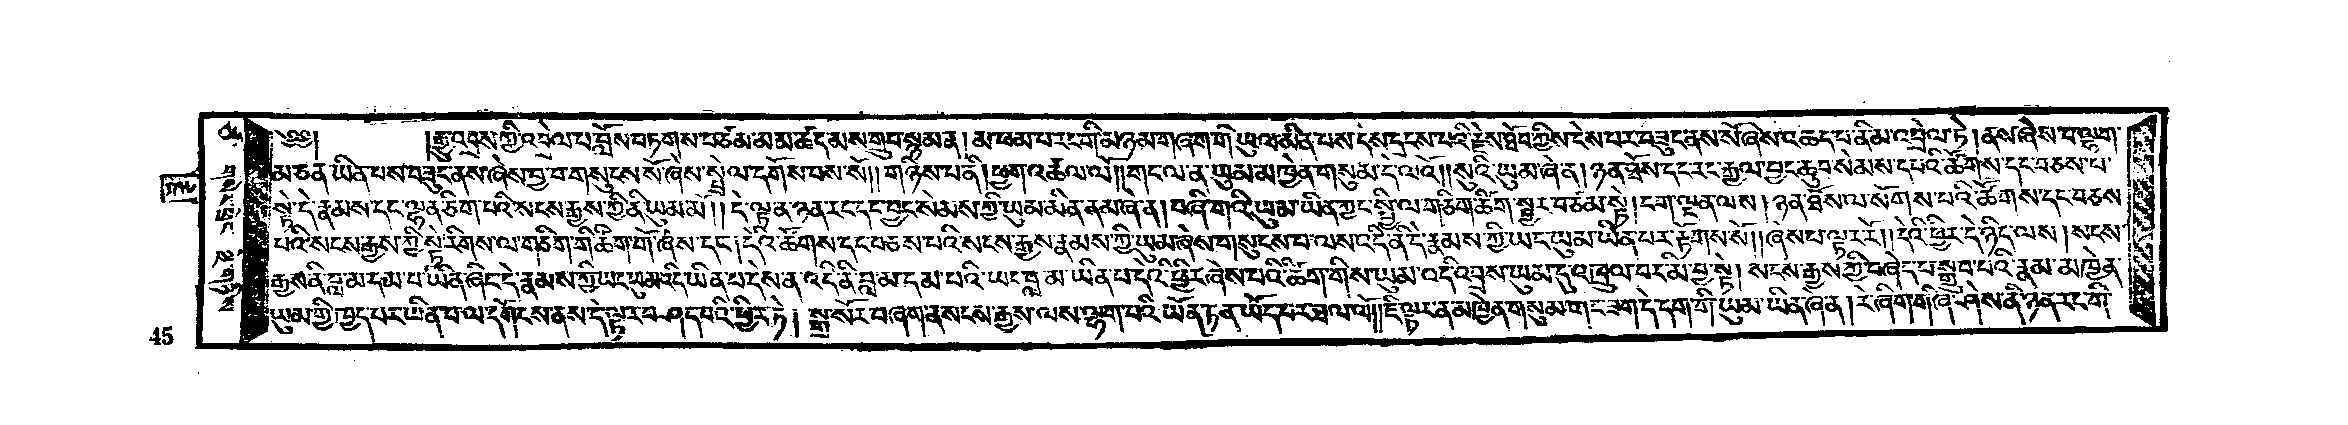༄༅། །རྒྱུ་འབྲས་ཀྱི་འབྲེལ་པ་བློས་བཏགས་པ་ཙམ་མམ་ཚད་མས་གྲུབ་སྙམ་ན། མ་ཕམ་པ་རང་གི་མཉམ་གཞག་གི་ཡུལ་མིན་པས་དེས་དྲངས་པའི་རྗེས་ཐོབ་ཀྱིས་ངེས་པར་བཟུང་ནས་སོ་ཞེས་འཆད་པ་ནི་མ་འབྲེལ་ཏེ། ནས་ཞེས་པ་ལྷག་
མ་ཅན་ཡིན་པས་བཟུང་ནས་ཞེས་བྱ་བ་གསུངས་སོ་ཞེས་སྦྲེལ་དགོས་པས་སོ། །གཉིས་པ་ནི། ཕྱག་འཚལ་ལོ། །གང་ལ་ན་ཡུམ་མཁྱེན་གསུམ་དེ་ལའོ། །སུའི་ཡུམ་ཞེ་ན། ཉན་ཐོས་དང་རང་རྒྱལ་བྱང་ཆུབ་སེམས་དཔའི་ཚོགས་དང་བཅས་པ་
སྟེ་དེ་རྣམས་དང་ལྷན་ཅིག་པའི་སངས་རྒྱས་ཀྱི་ནི་ཡུམ་མོ། །དེ་ལྟ་ན་ཉན་རང་དང་བྱང་སེམས་ཀྱི་ཡུམ་མིན་ནམ་ཞེ་ན། བཞི་གའི་ཡུམ་ཡིན་ཀྱང་སྤྱི་ལ་གཅིག་ཚིག་སྦྱར་བ་ཙམ་སྟེ། དག་ལྡན་ལས། ཉན་ཐོས་ལ་སོགས་པའི་ཚོགས་དང་བཅས་
པའི་སངས་རྒྱས་ཀྱི་སྟེ་རིགས་ལ་གཅིག་གི་ཚིག་གོ་ཞེས་དང་། དེའི་ཚོགས་དང་བཅས་པའི་སངས་རྒྱས་རྣམས་ཀྱི་ཡུམ་ཞེས་གསུངས་པ་ལས་འདི་ནི་དེ་རྣམས་ཀྱི་ཡང་ཡུམ་ཡིན་པར་རྟོགས་སོ། །ཞེས་པ་ལྟར་རོ། །དེའི་ཕྱིར་དེ་ཉིད་ལས། སངས་
རྒྱས་ནི་བླ་མ་དམ་པ་ཡིན་ཞིང་དེ་རྣམས་ཀྱི་ཡང་ཡུམ་འདི་ཡིན་པ་དེས་ན་འདི་ནི་བླ་མ་དམ་པའི་ཡང་བླ་མ་ཡིན་པ་དེའི་ཕྱིར་ཞེས་པའི་ཚིག་གིས་ཡུམ་འདི་འབྲས་ཡུམ་དུ་འཁྲུལ་བར་མི་བྱ་སྟེ། སངས་རྒྱས་ཀྱི་བཞེད་པ་སྒྲུབ་པའི་རྣམ་མཁྱེན་
ཡུམ་གྱི་ཁྱད་པར་ཡིན་པ་ལ་དགོངས་ནས་དེ་ལྟར་བཤད་པའི་ཕྱིར་ཏེ། སྒྲ་སོར་བཞག་ན་སངས་རྒྱས་ལས་ལྷག་པའི་ཡོན་ཏན་ཡོད་པར་ཐལ་ལོ། །ཇི་ལྟར་ན་མཁྱེན་གསུམ་གང་ཟག་དེ་དག་གི་ཡུམ་ཡིན་ཞེ་ན། རེ་ཞིག་གཞི་ཤེས་ནི་ཉན་རང་གི་